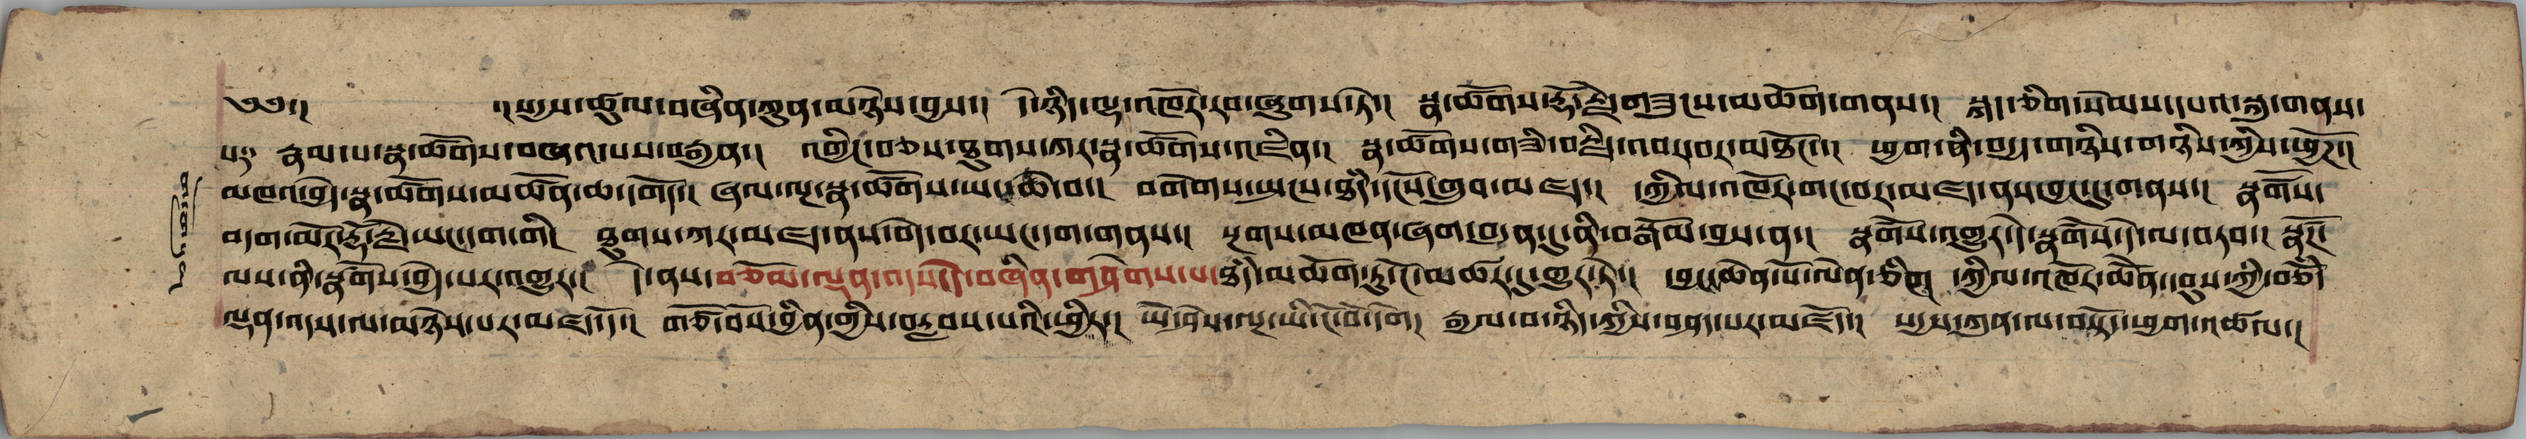༄༅་། ་།སདྱས་ཚུལ་བཞིན་ཀུན་མཉེས་བྱས་། དེ་ཉིད་ལྷ་འཁོར་རབ་ཞུགས་ཏེ་། སྣ་ཚོགས་རྡོ་རྗེ་གཟུངས་མཆོག་གནས་། སྐད་ཅིག་སེམས་དཔའ་སྐུ་གནས་
ས༑ རྣམ་པ་སྣ་ཚོགས་བཞའ་པས་བརྒྱན་། འགྱིང་བཅས་ཐུགས་ཀར་སྣ་ཚོགས་འཛིན་། སྣ་ཚོགས་གཟི་བརྗིད་འབར་བར་མཐོང་་། ཕྱག་ནི་བདྱད་གཉིས་གཉིས་ཀྱིས་ཕྱོཌ་།
མཁའ་བྱེད་སྣ་ཚོགས་མཚོན་ཆ་དགོད་། ཞལ་ལྔ་སྣ་ཚོགས་ཡང་ཆེ་བ་། བགེགས་སྤངས་ཐཾད་དངོས་གྲུབ་མཛད་། དཀྱིལ་འཁོར་གང་བར་མཛད་ནས་བྱང་དུ་གནས་། སྣོ༹གས་
བདག་མོར་རྡོ་རྗེ་ཡང་དག་གི། ཐུགས་ཀར་མཛད་ནས་བདེ་བར་ཡང་དག་གནས་། སྔགས་མཁན་ཞག་བདུན་དུ་ནི་བསྒོམ་བྱས་ན་། སྣཚོགས་འགྱུར་དེ་སྣཚོགས་དེ་ལ་བཏབ་། སྣཚོཌ
ལས་ནི་སྣཚོགས་བྱེད་པར་འགྱུར་། དེ་ནས་བཅོམ་ལྡན་འདས་དེ་བཞིན་གཤེགས་པ་ཐདཾ་མཆོག་ཏུ་ངོ་མཚར་དུ་གྱུར་ཏེ་། དབྱངས་ཆེན་པོ་ལེན་ཅིག། དཀྱིལ་འཁོར་ཆེོན་དབུས་ཀྱི་བཅོཾད་
ལྡན་འདས་ལ་མཉེས་པར་མཛད་དོ་། གཙོ་བོས་བྱིན་གྱིས་བརླབས་པའི་ཕྱིར་། ཡེ་ཤེས་ལྔ་ཡི་ངོ་བོ་དགེ། རྒྱལ་བ་ཉིད་ཀྱིས་བཤད་པར་མཛོད་། སདྱས་ཀུན་ལ་བསྟོད་ཕྱག་འཚལ་།